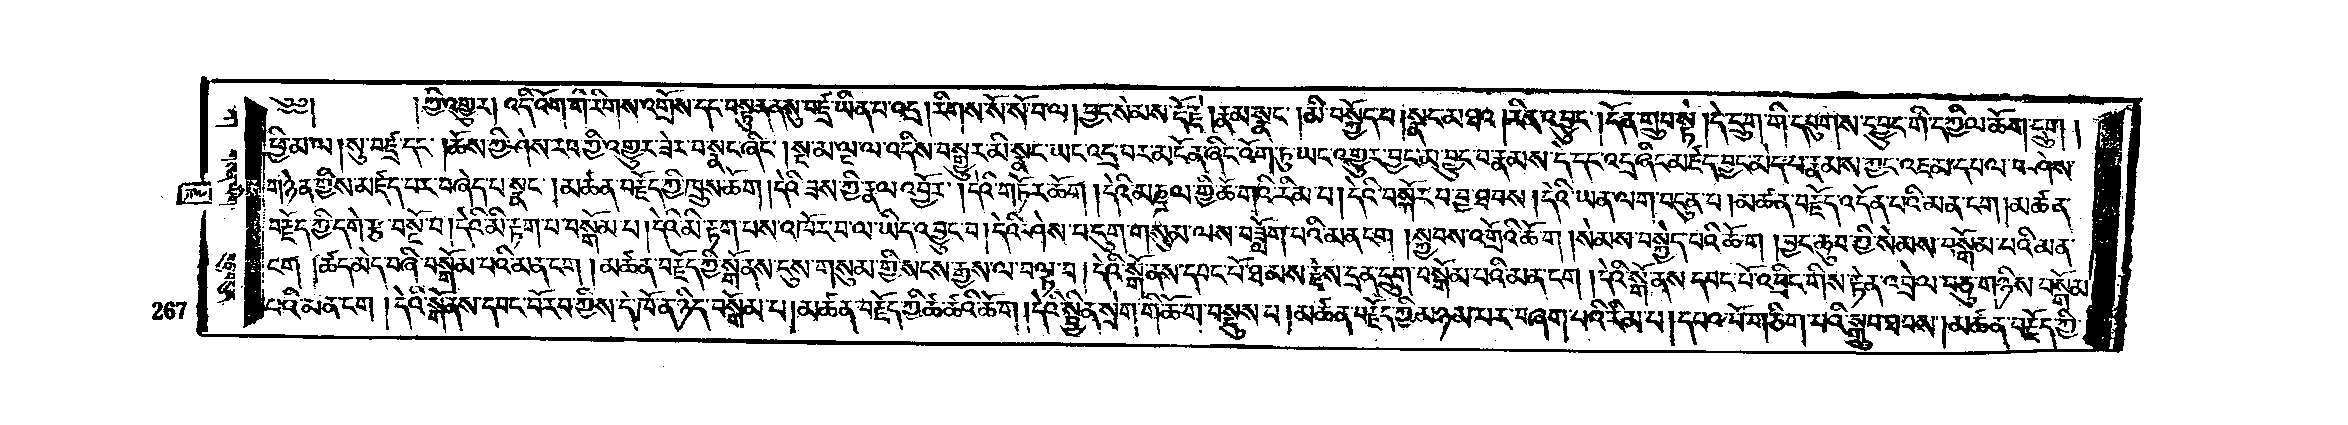༄༅། །ཀྱི་འགྱུར། འདི་འོག་གི་རིགས་འགྲོས་དང་བསྟུན་ནས་སུ་བཛྲ་ཡིན་པ་འདྲ། རིགས་སོ་སོ་བ་ལ། བྱང་སེམས་རྡོ་རྗེ། རྣམ་སྣང་། མི་བསྐྱོད་པ། སྣང་མཐའ། རིན་འབྱུང་། དོན་གྲུབ་སྟེ། དེ་དྲུག་གི་དབུགས་དབྱུང་གི་དཀྱིལ་ཆོག་དྲུག །
ཕྱི་མ་ལ། སུ་བྫྲ་དང་། ཆོས་ཀྱི་ཤེས་རབ་ཀྱི་འགྱུར་ཟེར་བ་སྣང་ཞིང་། སྔ་མ་ལྔ་ལ་འདིས་བསྒྱུར་མི་སྣང་ཡང་འདྲ་བར་མངོན་ཞིང་འོག་ཏུ་ཡང་འགྱུར་བྱང་མ་བྱུང་བ་རྣམས་དེ་དང་འདྲ་ཞིང་མཛད་བྱང་མེད་པ་རྣམས་ཀྱང་འཇམ་དཔལ་བཤེས་
གཉེན་གྱིས་མཛད་པར་བཞེད་པ་སྣང་། མཚན་བརྗོད་ཀྱི་ཁྲུས་ཆོག །དེའི་ཟས་ཀྱི་རྣལ་འབྱོར། དེའི་གཏོར་ཆོག །དེའི་མཎྜལ་གྱི་ཆོ་གའི་རིམ་པ། དེའི་བསྐོར་བ་བྱ་ཐབས། དེའི་ཡན་ལག་བདུན་པ། མཚན་བརྗོད་འདོན་པའི་མན་ངག། མཚན་
བརྗོད་ཀྱི་དགེ་རྩ་བསྔོ་བ། དེའི་མི་རྟག་པ་བསྒོམ་པ། དེའི་མི་རྟག་པས་འཁོར་བ་ལ་ཡིད་འབྱུང་བ། དེའི་ཤེས་པ་དུག་གསུམ་ལས་བཟློག་པའི་མན་ངག །སྐྱབས་འགྲོའི་ཆོ་ག །སེམས་བསྐྱེད་པའི་ཆོ་ག །སེམས་བསྐྱེད་པའི་ཆོ་ག །བྱང་ཆུབ་ཀྱི་སེམས་བསྒོམ་པའི་མན་
ངག །ཚད་མེད་བཞི་བསྒོམ་པའི་མན་ངག །མཚན་བརྗོད་ཀྱི་སྒོ་ནས་དུས་གསུམ་གྱི་སངས་རྒྱས་ལ་བལྟ་བ། དེའི་སྒོ་ནས་དབང་པོ་ཐ་མས་རྗེས་དྲན་དྲུག་བསྒོམ་པའི་མན་ངག །དེའི་སྒོ་ནས་དབང་པོ་འཕྲིང་གིས་རྟེན་འབྲེལ་བཅུ་གཉིས་བསྒོམ་
པའི་མན་ངག །དེའི་སྒོ་ནས་དབང་པོ་རབ་ཀྱིས་དེ་ཁོ་ན་ཉིད་བསྒོམ་པ། མཚན་བརྗོད་ཀྱི་ཚ་ཚའི་ཆོག །དེའི་སྦྱིན་སྲེག་གི་ཆོ་ག་བསྡུས་པ། མཚན་བརྗོད་ཀྱི་མཉམ་པར་བཞག་པའི་རིམ་པ། དཔའ་བོ་གཅིག་པའི་སྒྲུབ་ཐབས། མཚན་བརྗོད་ཀྱི་